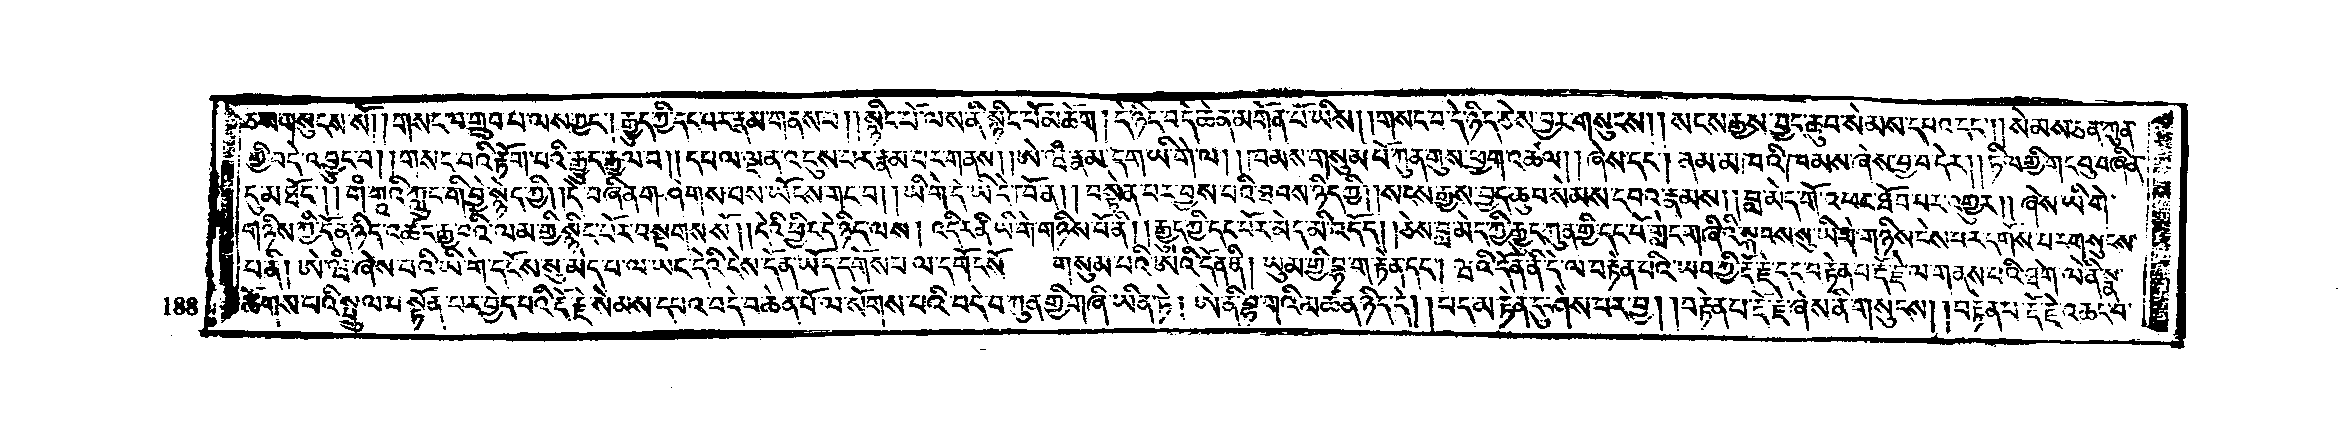ཅེས་གསུངས་སོ། །གསང་བ་གྲུབ་པ་ལས་ཀྱང་། རྒྱུད་ཀྱི་དང་པོར་རྣམ་གནས་པ། །སྙིང་པོ་ལས་ནི་སྙིང་པོ་མཆོག །དེ་ཉིད་བདེ་ཆེན་མགོན་པོ་ཡིས། །གསང་བ་དེ་ཉིད་ཅེས་བྱར་གསུངས། །སངས་རྒྱས་བྱང་ཆུབ་སེམས་དཔའ་དང་། །སེམས་ཅན་ཀུན་
གྱི་བདེ་འབྱུང་བ། །གསང་བའི་རྟོག་པའི་རྒྱུད་རྒྱལ་པོ། །དཔལ་ལྡན་འདུས་པར་རྣམ་པར་གནས། །ཨེ་ཝཾ་རྣམ་དག་ཡི་གེ་ལ། །ཁམས་གསུམ་པོ་ཀུན་གུས་ཕྱག་འཚལ། །ཞེས་དང་། ནམ་མཁའི་ཁམས་ཞེས་བྱ་བ་དེར། །ཏིལ་གྱི་གང་བུ་བཞིན་
དུ་མཐོང་། །གཾ་གཱའི་ཀླུང་གི་བྱེ་སྙེད་ཀྱི། །དེ་བཞིན་གཤེགས་པས་ཡོངས་གང་བ། །ཡི་གེ་དེ་ཡི་དེ་ཁོ་ན། །བསྟེན་པར་བྱས་པའི་ཐབས་ཉིད་ཀྱི། །སངས་རྒྱས་བྱང་ཆུབ་སེམས་དཔའ་རྣམས། །བླ་མེད་གོ་འཕང་ཐོབ་པར་འགྱུར། །ཞེས་ཡི་གེ་
གཉིས་ཀྱི་དོན་ཉིད་འཚང་རྒྱ་བའི་ལམ་གྱི་སྙིང་པོར་བསྔགས་སོ། །དེའི་ཕྱིར་དེ་ཉིད་ལས། འདིར་ནི་ཡི་གེ་གཉིས་པོ་ནི། །རྒྱུད་ཀྱི་དང་པོར་མེད་མི་འདོད། །ཅེས་བླ་མེད་ཀྱི་རྒྱུད་ཀུན་གྱི་དང་པོ་གླེང་གཞིའི་སྐབས་སུ་ཡི་གེ་གཉིས་ངེས་པར་དགོས་པར་གསུངས་
པ་ནི། ཨེ་ཝཾ་ཞེས་པའི་ཡི་གེ་དངོས་སུ་མེད་པ་ལ་ཡང་དེའི་ངེས་དོན་ཡོད་དགོས་པ་ལ་དགོངས་སོ་གསུམ་པའི་ཨེའི་དོན་ནི། ཡུམ་གྱི་བྷ་ག་རྟེན་དང་། ཝའི་དོན་ནི་དེ་ལ་བརྟེན་པའི་ཡབ་ཀྱི་རྡོ་རྗེ་དང་བརྟེན་པ་རྡོ་རྗེ་ལ་གནས་པའི་ཐིག་ལེ་ནི་སྣ་
ཚོགས་པའི་སྤྲུལ་པ་སྟོན་པར་བྱེད་པའི་རྡོ་རྗེ་སེམས་དཔའ་བདེ་བ་ཆེན་པོ་ལ་སོགས་པའི་བདེ་བ་ཀུན་གྱི་གཞི་ཡིན་ཏེ། ཨེ་ནི་བྷ་གའི་མཚན་ཉིད་དེ། །པད་མ་རྟེན་དུ་ཤེས་པར་བྱ། །བརྟེན་པ་རྡོ་རྗེ་ཞེས་ནི་གསུངས། །བརྟེན་པ་རྡོ་རྗེ་འཆང་བ་